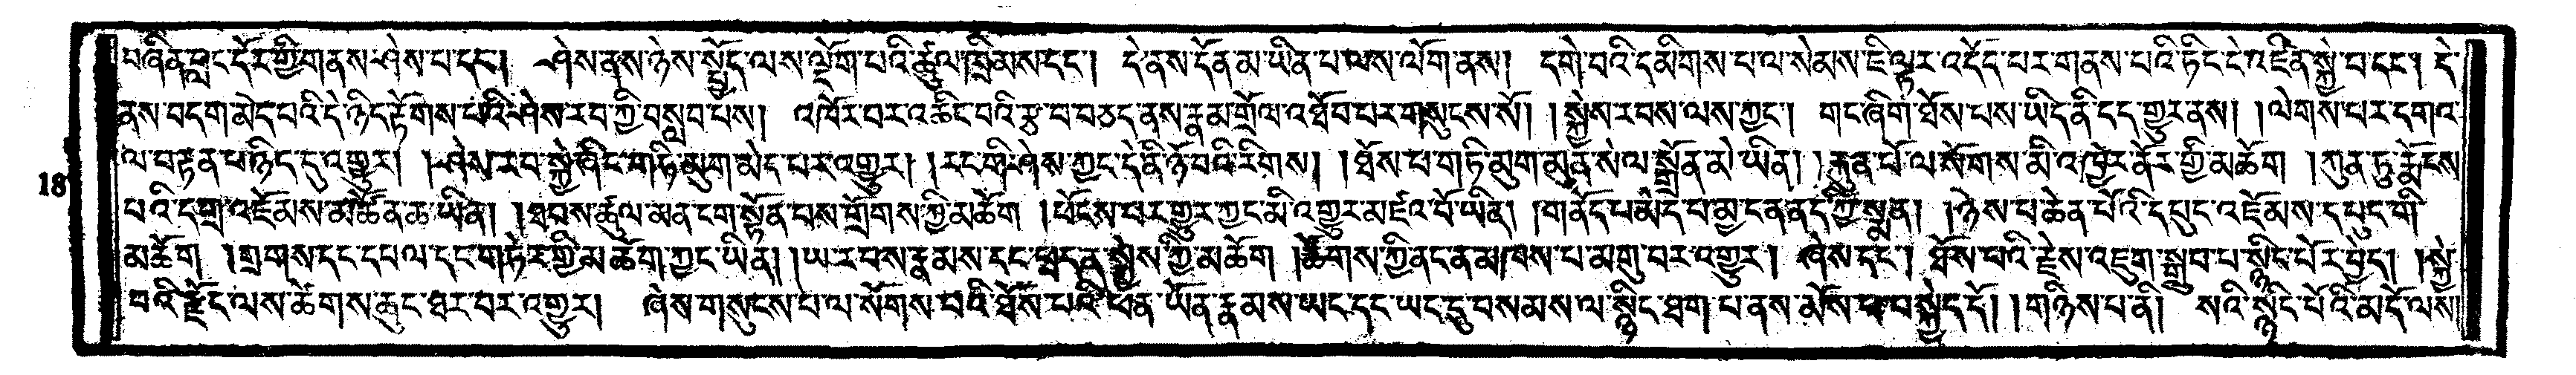བཞིན་བླང་དོར་གྱི་གནས་ཤེས་པ་དང་། ཤེས་ནས་ཉེས་སྤྱོད་ལས་ལྡོག་པའི་ཚུལ་ཁྲིམས་དང་། དེ་ནས་དོན་མ་ཡིན་པ་ལས་ལོག་ནས། དགེ་བའི་དམིགས་པ་ལ་སེམས་ཇི་ལྟར་འདོད་པར་གནས་པའི་ཏིང་ངེ་འཛིན་སྐྱེ་བ་དང་།དེ་
ནས་བདག་མེད་པའི་དེ་ཉིང་རྟོགས་པའི་ཤེས་རབ་ཀྱི་བསླབ་པས། འཁོར་བར་འཆིང་བའི་རྩ་བ་བཅད་ནས་རྣམ་གྲོལ་འཐོབ་པར་གསུངས་སོ། །སྐྱེས་རབས་ལས་ཀྱང་། གང་ཞིག་ཐོས་པས་ཡིད་ནི་དང་གྱུར་ནས། །ལེགས་པར་དགའ་
ལ་བརྟན་པ་ཉིད་དུ་འགྱུར། །ཤེས་རབ་སྐྱེ་ཞིང་གཏི་མུག་མེད་པར་འགྱུར། །རང་གི་ཤེས་ཀྱང་དེ་ནི་ཉོ་བའི་རིགས། །ཐོས་པ་གཏི་མུག་མུན་སེལ་སྒྲོན་མེ་ཡིན། །རྐུན་པོ་ལ་སོགས་མི་འཁྱེར་ནོར་གྱི་མཆོག །ཀུན་ཏུ་རྨོངས་
པའི་དགྲ་འཇོམས་མཚོན་ཆ་ཡིན། །ཐབས་ཚུལ་མན་ངག་སྟོན་པས་གྲོགས་ཀྱི་མཆོག །ཕོངས་པར་གྱུར་ཀྱང་མི་འགྱུར་མཛའ་བོ་ཡིན། །གནོད་པ་མེད་པ་མྱ་ངན་ནད་ཀྱི་སྨན། །ཉེས་པ་ཆེན་པོའི་དཔུང་འཇོམས་དཔུང་གི་
མཆོག །གྲགས་དང་དཔལ་དང་གཏེར་གྱི་མཆོག་ཀྱང་ཡིན། །ཡ་རབས་རྣམས་དང་ཕྲད་ན་སྐྱེས་ཀྱི་མཆོག །ཚོགས་ཀྱི་ནང་ན་མཁས་པ་མགུ་བར་འགྱུར། ཞེས་དང་། ཐོས་པའི་རྗེས་འཇུག་སྒྲུབ་པ་སྙིང་པོར་བྱེད། །སྐྱེ་
པའི་རྫོང་ལས་ཚོགས་ཆུང་ཐར་བར་འགྱུར། ཞེས་གསུངས་པ་ལ་སོགས་པའི་ཐོས་པའི་ཕན་ཡོན་རྣམས་ཡང་དང་ཡང་དུ་བསམས་ལ་སྙིང་ཐག་པ་ནས་མོས་པ་བསྐྱེད་དོ། །གཉིས་པ་ནི། སའི་སྙིང་པོའི་མདོ་ལས།